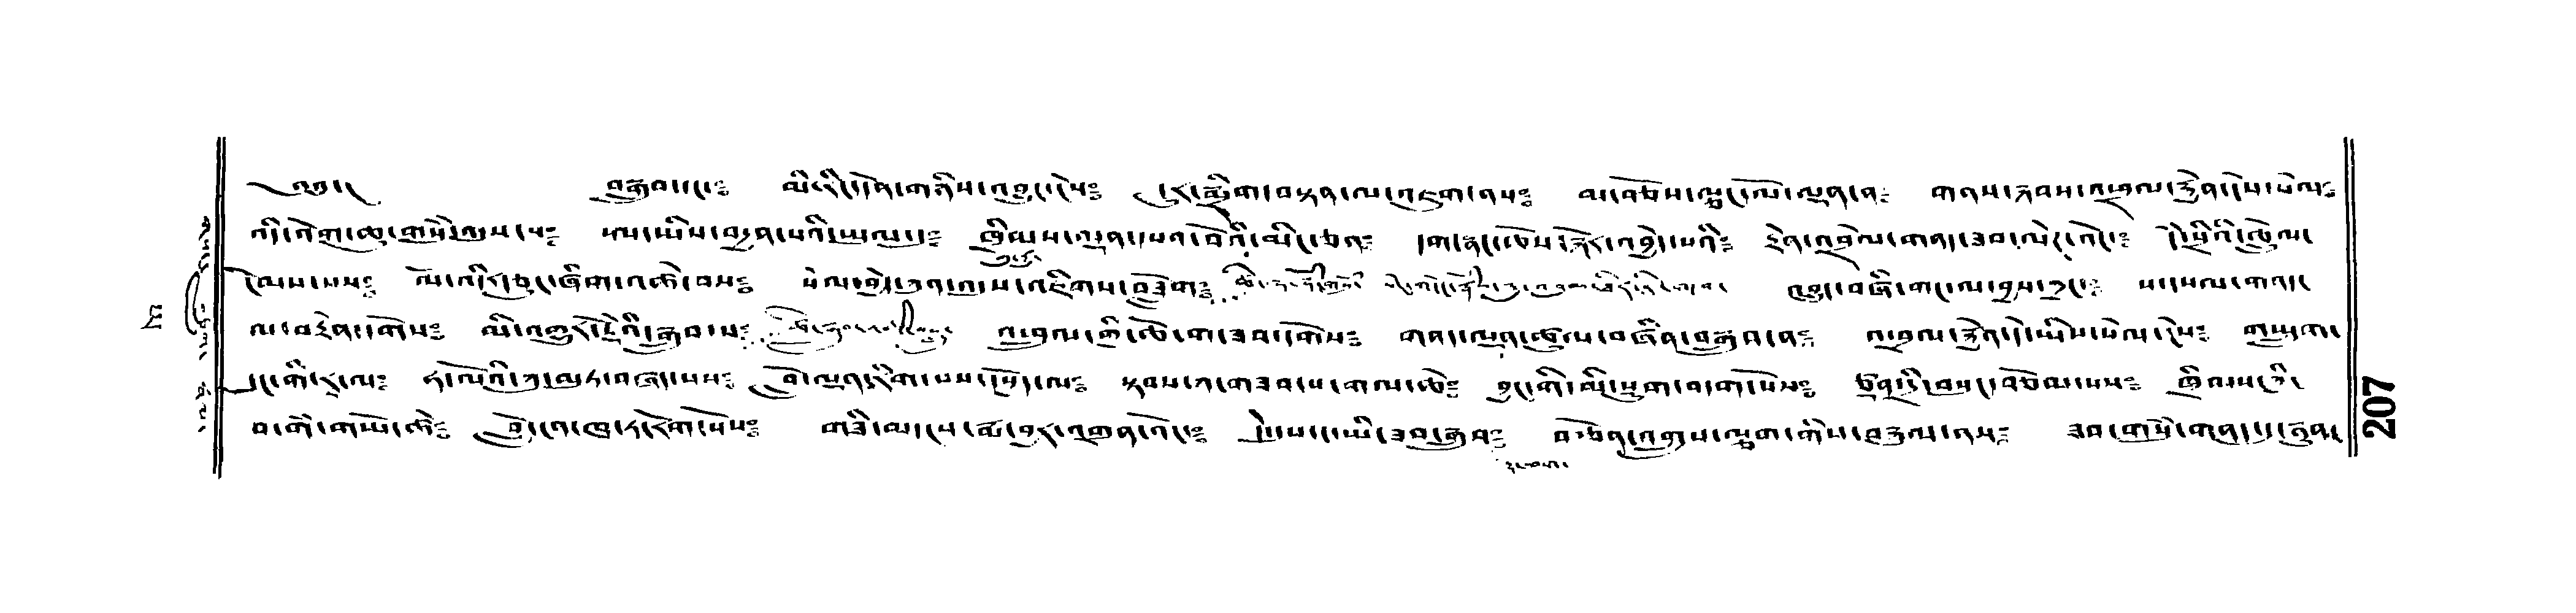བསྒྲུབ་དང༔ མི་རིང་དོན་གཉིས་འབྱུང་ངེས༔ ངུར་སྨྲིག་བསྟན་ལ་འཇུག་ནས༔ མ་བཅོས་ལྕང་ལོ་ལྡན་ན༔ གནས་སྐབས་འཕྲལ་རྐྱེན་དེས་སེལ༔ 
འདི་འོག་ཆུ་གསུམ་འདུས་པ༔ ཨ་ཡིས་བརྒྱན་པའི་ཡུལ་དུ༔ ཁྲིམས་ལྡན་དཔའ་བོའི་མིང་ཅན༔ དག་སྣང་ཆོས་སྐོར་འབྱེད་པའི༔ རྟེན་འབྲེལ་གནད་ཟབ་ལེགས་འོང༔ དམ་སྲིའི་ཆོ་འཕྲུལ་
ངོམས་པས༔ ལོ་འདིར་ཅུང་ཞིང་འཚེ་བས༔ སེལ་བྱེད་ཀུན་འདུས་འཇིགས་བཟློག༔ འབྱུང་བཞི་གང་ལ་བྱས་ཀྱང༔ ས་དཔལ་གནད་
ལ་བརྟེན་དགོས༔ མི་འགྱུར་རྡོ་རྗེའི་སྒྲུབ་པ༔ འཕྲུལ་གྱི་ཆོ་ག་ཟབ་དགོས༔ གནད་ལྡན་ཚུལ་བཞིན་བསྒྲུབ་ན༔ འཕྲལ་རྐྱེན་དེ་ཡིས་སེལ་ངེས༔ གཡུ་འབྲུག་
དུང་གི་རྭ་ལ༔ ཧ་ལོའི་ཀུ་མུཏ་བཞད་པས༔ བློ་ལྡན་རིག་པས་དཔྱོད་ལ༔ སྟབས་ཀ་གཟབ་པ་གལ་ཆེ༔ བྱང་གི་མི་སྡུག་བདག་པོས༔ ཙནྡན་དྲི་བསུང་བཅོམ་པས༔ ཁྲིམས་ཀྱི་
བ་གམ་གཡོ་ཚེ༔ བློ་ངན་ཁ་ཏ་རོག་པོས༔ གཟི་མདངས་རྨ་བྱར་འགྲན་འོང༔ དེ་དུས་ང་ཡི་ཟབ་སྒྲུབ༔ བརྩོན་འགྲུས་ལྕག་གིས་བསྐུལ་ནས༔ ཟབ་གསུམ་གནད་དུ་བསྣུན་